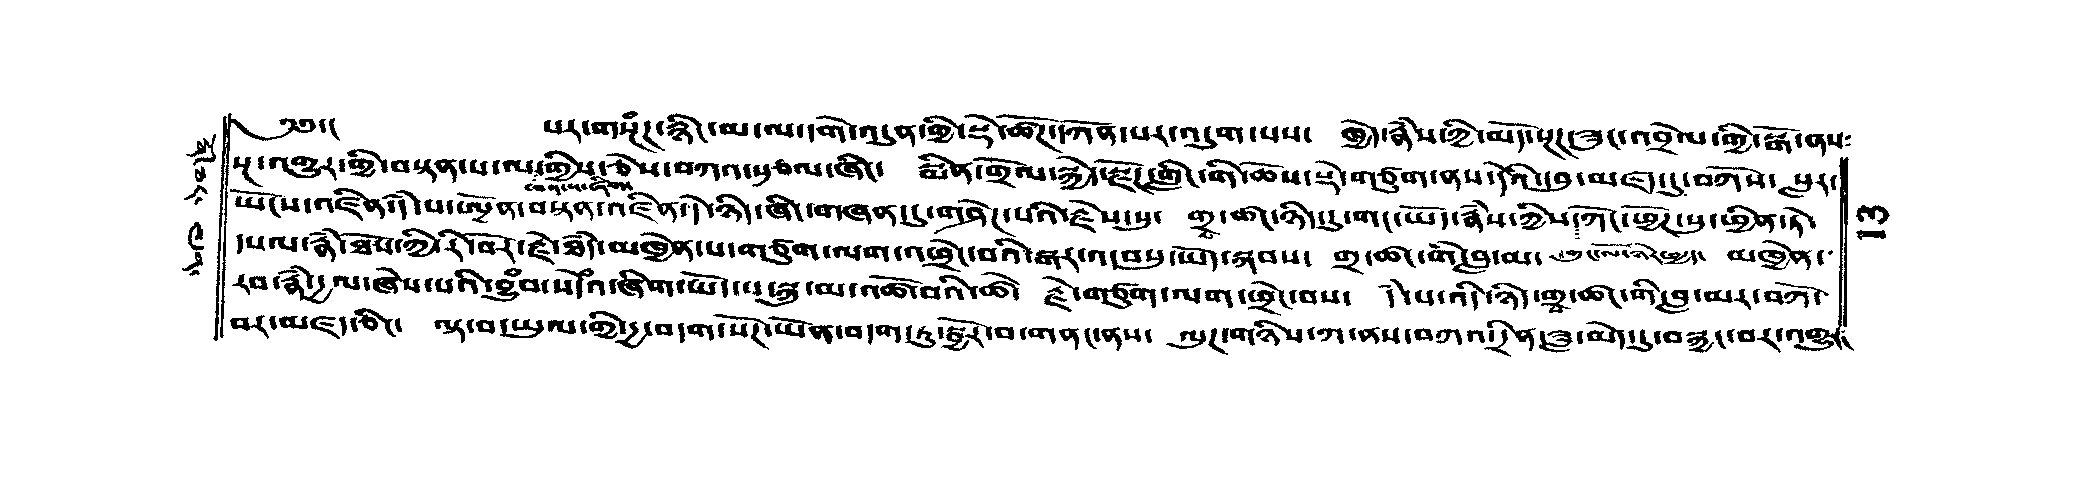པར་གསང་སྔགས་རྙིང་མ་ལ་དགེ་འདུན་གྱི་སྡེ་ཚོགས་དཀོན་པར་འདུག་པས། ཁྱེད་རྣམས་ཀྱི་མདོ་སྔགས་ཟུང་འབྲེལ་གྱི་སྒོ་ནས་
སྔ་འགྱུར་གྱི་བསྟན་པ་ལ་ཕན་པ་ཞིག་གྱིས་ཅེས་བཀའ་སྩལ་ཞིང་། སྨིན་གྲོལ་སྐྱེད་རྫོགས་གླིང་གི་ཆོས་སྡེ་གཙུགས་ནས་དེའི་དབུ་མཛད་དུ་བཀོས། སླར་
ཡོངས་འཛིན་དམ་པ་ཨོ་རྒྱན་བསྟན་འཛིན་དེ་ཉིད་ཞིང་གཞན་དུ་གཤེགས་པའི་རྗེས་སུ་གྲྭ་ཚང་ཉིད་དུ་གང་ཡོད་རྣམས་ཀྱིས་{ དགུང་ལོ་ཉེར་བརྒྱད། མཆན། }ཀོང་ཕྱོགས་སུ་ཕྱིན་ཏེ་
དཔལ་རྣམ་ཐོས་ཀྱི་རི་བོར་རྗེ་ཐམས་ཅད་མཁྱེན་པ་གཙུག་ལག་འཕྲེང་བའི་སྒར་འདབས་སུ་ཡོད་སྐབས། གྲྭ་ཚང་གི་བླ་མ་མཁྱེན་
རབ་རྣམ་རྒྱལ་ཞེས་པའི་བྱང་ཆུབ་སེམས་དཔའ་ཞིག་ཡོད་པ་སྐུ་མ་འཚོ་བའི་ཚེ། རྗེ་གཙུག་ལག་ཕྲེང་བས། དམ་པ་འདི་ཉིད་གྲྭ་ཚང་གི་བླ་མར་བཀོད་
བར་མཛད་ཅིང་། ལྟ་བ་ཡུལ་གྱི་རྒྱ་བདག་སོགས་ཡོན་བདག་ཏུ་སྦྱོར་བ་གནང་ནས། །ལུགས་གཉིས་ཀ་ནས་བཀའ་དྲིན་ཟླ་མེད་དུ་བསྐྱངས་བར་འགྱུར་